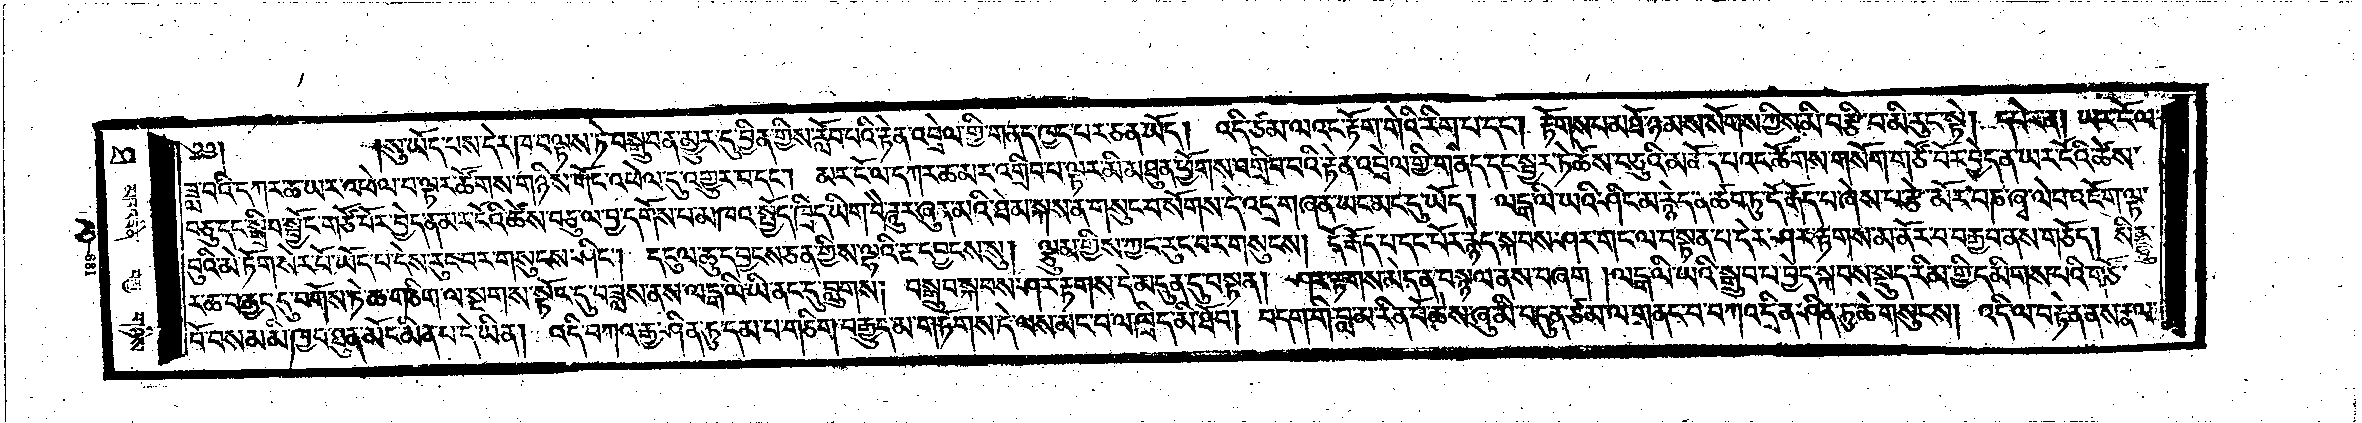༄༅། །སུ་ཡོད་པས་དེར་ཁ་བལྟས་ཏེ་བསྒྲུབ་ན་མྱུར་དུ་བྱིན་གྱིས་རློབ་པའི་རྟེན་འབྲེལ་གྱི་གནད་ཁྱད་པར་ཅན་ཡོད། འདི་ཙམ་ལའང་རྟོག་གེའི་རིགས་པ་དང་། རྟོགས་པ་མཐོ་ཉམས་སོགས་ཀྱིས་མི་བརྩི་བ་མི་རུང་སྟེ། དཔེར་ན། ཡར་ངོ་ལ་
ཟླ་བའི་དཀར་ཆ་ཡར་འཕེལ་བ་ལྟར་ཚོགས་གཉིས་གོང་འཕེལ་དུ་འགྱུར་བ་དང་། མར་ངོ་ལ་དཀར་ཆ་མར་འགྲིབ་པ་ལྟར་མི་མཐུན་ཕྱོགས་འགྲིབ་པའི་རྟེན་འབྲེལ་གྱི་གནད་དང་སྦྱར་ཏེ་ཚེས་བཅུའི་མཆོད་པའང་ཚོགས་གསོག་གཙོ་བོར་བྱེད་ན་ཡར་ངོའི་ཚེས་
བཅུ་དང་སྒྲིབ་སྦྱོང་གཙོ་བོར་བྱེད་ན་མར་ངོའི་ཚེས་བཅུ་ལ་བྱ་དགོས་པ་མཁའ་སྤྱོད་ཁྲིད་ཡིག་བཻ་ཌཱུར་ཞུན་མའི་ཐེམ་སྐས་ན་གསུང་བ་སོགས་དེ་འདྲ་གཞན་ཡང་མང་དུ་ཡོད། ལངྒ་ལི་ཡའི་ཤིང་མ་རྙེད་ན་ཚབ་ཏུ་དོ་རྒོད་པ་ཞེས་པ་རྩེ་མོར་པཎ་ཞྭ་ལེབ་འཇོག་ལྟ་
བུའི་མེ་ཏོག་སེར་པོ་ཡོད་པ་དེས་རུང་བར་གསུངས་ཤིང་། དངུལ་ཆུ་དབྱངས་ཅན་གྱིས་ལྷའི་རྔ་དབྱངས་སུ། ལྕུམ་གྱིས་ཀྱང་རུང་བར་གསུངས། དོ་རྒོད་པ་དང་པོར་རྙེད་སྐབས་ཤར་གང་ལ་བསྟན་པ་དེར་ཤར་རྟགས་མ་ནོར་བ་བརྒྱབ་ནས་གཅོད། སིནྡྷཱུ་
ར་ཆ་བརྒྱད་དུ་བགོས་ཏེ་ཆ་གཅིག་ལ་སྔགས་སྟོང་དུ་བཟླས་ནས་ལངྒ་ལི་ཡི་ནང་དུ་བླུགས། བསྒྲུབ་སྐབས་ཤར་རྟགས་དེ་མདུན་དུ་བསྟན། ཤར་རྟགས་མེད་ན་བསྙལ་ནས་བཞག །ལངྒ་ལི་ཡའི་སྒྲུབ་པ་བྱེད་སྐབས་སྡུད་རིམ་གྱི་དམིགས་པའི་གཙོ་
བོ་བསམ་མི་ཁྱབ་ཐུན་མོང་མིན་པ་དེ་ཡིན། འདི་བཀའ་རྒྱ་ཤིན་ཏུ་དམ་པ་གཅིག་བརྒྱུད་མ་གཏོགས་དེ་ལས་མང་བ་ལ་ཁྲིད་མི་ཐོབ། བདག་གི་བླ་མ་རིན་པོ་ཆེས་ཞུ་མི་བདུན་ཙམ་ལ་གནང་བ་བཀའ་དྲིན་ཤིན་ཏུ་ཆེ་གསུངས། འདི་ལ་བརྟེན་ནས་རྣལ་